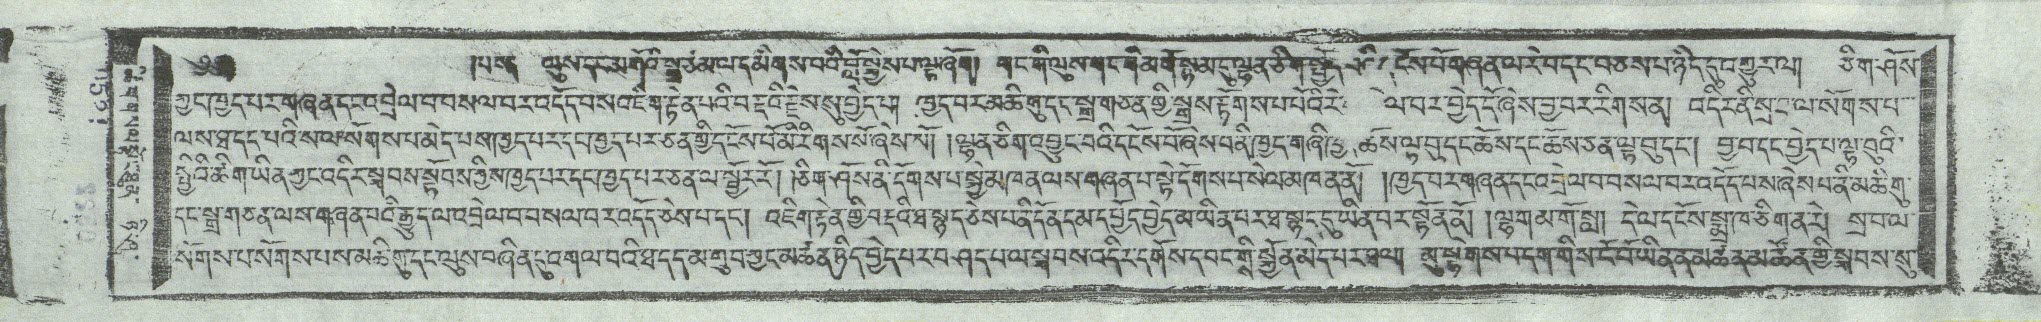༄༅། །པས༑ ལུས་དང་མགོའི་སྒྲ་ཙམ་ལ་དམིགས་པའི་བློ་སྐྱེས་པ་ལྟ་ཞོག། གང་གི་ལུས་གང་གི་མགོ་སྙམ་དུ་ལྷན་ཅིག་སྤྱོད་པའི་དངོས་པོ་གཞན་ལ་རེ་བ་དང་བཅས་པ་ཉིད་དུ་འགྱུར་ལ། ཅིག་ཤོས་
ཀྱང་ཁྱད་པར་གཞན་དང་འབྲེལ་བ་བསལ་བར་འདོད་པས་འཇིག་རྟེན་པའི་བརྡའི་རྗེས་སུ་བྱེད་པ། ཁྱད་པར་མཆི་གུ་དང་སྒྲ་གཅན་གྱི་སྒྲས་རྟོགས་པ་པོའི་རེ་བ་སེལ་བར་བྱེད་དོ་ཞེས་བྱ་བར་རིགས་ན། འདིར་ནི་སྲ་བ་ལ་སོགས་པ་
ལས་ཐ་དད་པའི་ས་ལ་སོགས་པ་མེད་པས་ཁྱད་པར་དང་ཁྱད་པར་ཅན་གྱི་དངོས་པོ་མ་རིགས་སོ་ཞེས་སོ། །ལྷན་ཅིག་འབྱུང་བའི་དངོས་པོ་ཞེས་བ་ནི་ཁྱད་གཞི་ཁྱད་ཆོས་ལྟ་བུ་དང་ཆོས་དང་ཆོས་ཅན་ལྟ་བུ་དང་། བྱ་བ་དང་བྱེད་པ་ལྟ་བུའི་
སྤྱིའི་ཚིག་ཡིན་ཀྱང་འདིར་སྐབས་སྟོབས་ཀྱིས་ཁྱད་པར་དང་ཁྱད་པར་ཅན་ལ་སྦྱོར་རོ། །ཅིག་ཤོས་ནི་དོགས་པ་སྐྱེ་མཁན་ལས་གཞན་པ་སྟེ་དོགས་པ་སེལ་མཁན་ནོ། །ཁྱད་པར་གཞན་དང་འབྲེལ་བ་བསལ་བར་འདོད་པས་ཞེས་པ་ནི་མཆི་གུ་
དང་སྒྲ་གཅན་ལས་གཞན་པའི་རྒྱུད་ལ་འབྲེལ་བ་བསལ་བར་འདོད་ཅེས་པ་དང་། འཇིག་རྟེན་གྱི་བརྡའི་ཐ་སྙད་ཅེས་པ་ནི་དོན་དམ་དཔྱོད་བྱེད་མ་ཡིན་པར་ཐ་སྙད་དུ་ཡིན་པར་སྟོན་ནོ། །ལྷག་མ་གོ་སླ། དེ་ལ་དངོས་སྨྲ་ཁ་ཅིག་ན་རེ། སྲ་བ་ལ་
སོགས་པ་སོགས་པས་མཆི་གུ་དང་ལུས་བཞིན་དུ་འགལ་བའི་ཐ་དད་མ་གྲུབ་ཀྱང་མཚན་ཉིད་བྱེད་པར་བཤད་པ་ལ་སྐབས་འདིར་དགོས་དབང་གིས་སྐྱོན་མེད་པར་ཐལ། མུ་སྟེགས་པ་དག་གིས་ངོ་བོ་ཡིན་ན་མཚན་མཚོན་གྱི་སྐབས་སུ་